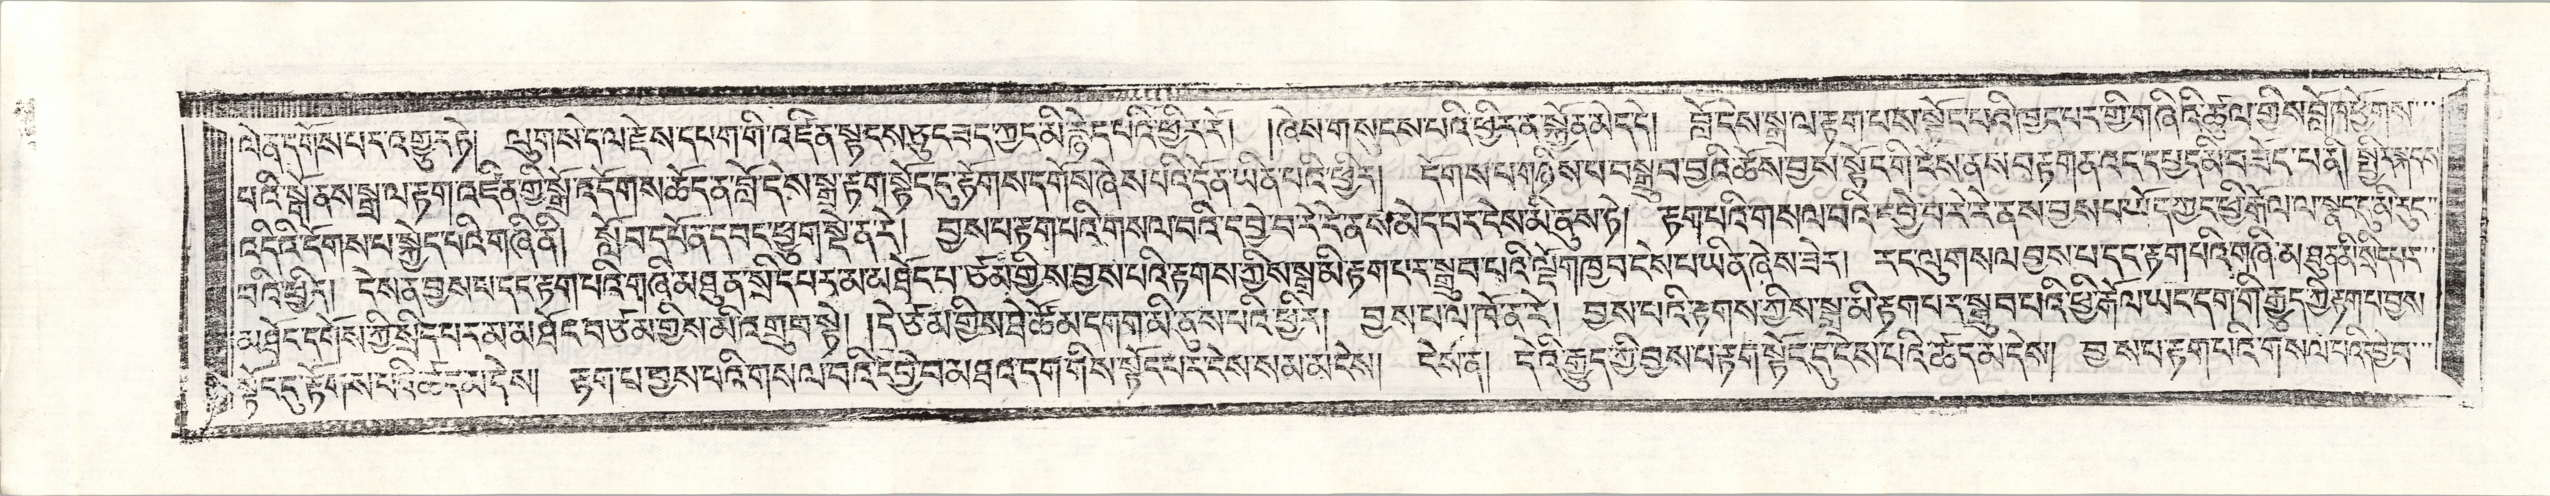ལེན་དགོས་པར་འགྱུར་ཏེ། ལུགས་དེ་ལ་རྗེས་དཔག་གི་འཛིན་སྟངས་ཅུང་ཟད་ཀྱང་མི་རྙེད་པའི་ཕྱིར་རོ། །ཞེས་གསུངས་པའི་ཕྱིར་ན་སྐྱོན་མེད་དེ། བློ་དེས་སྒྲ་ལ་རྟག་པས་སྟོང་པའི་ཁྱད་པར་གྱི་གཞིའི་ཚུལ་གྱིས་བློ་ཁ་ཕྱོགས་
པའི་སྒོ་ནས་སྒྲ་ལ་རྟག་འཛིན་གྱི་སྒྲོ་འདོགས་ཆོད་ན་བློ་དེས་སྒྲ་རྟག་སྟོང་དུ་རྟོགས་དགོས་ཞེས་པའི་དོན་ཡིན་པའི་ཕྱིར། དོགས་པ་གཉིས་པ་བསྒྲུབ་བྱའི་ཆོས་བྱས་སྟོང་གི་ངོས་ནས་བརྟག་ན་འང་དཔྱད་མི་བཟོད་པ་ནི། སྤྱིར་སྐབས་
འདིའི་དོགས་པ་སྐྱེད་པའི་གཞི་ནི། སློབ་དཔོན་དབང་ཕྱུག་སྡེ་ན་རེ། བྱས་པ་རྟག་པའི་གསལ་བའི་དབྱེ་བ་རེ་རེ་ནས་མེད་པར་ངེས་མི་ནུས་ཏེ། རྟག་པའི་གསལ་བའི་དབྱེ་བ་རེ་རེ་ནས་བྱས་པ་ཡོད་ཀྱང་ཕྱི་རྒོལ་ལ་སྣང་དུ་མི་རུང་
བའི་ཕྱིར། དེས་ན་བྱས་པ་དང་རྟག་པའི་གཞི་མཐུན་སྲིད་པར་མ་མཐོང་བ་ཙམ་གྱིས་བྱས་པའི་རྟགས་ཀྱིས་སྒྲ་མི་རྟག་པར་སྒྲུབ་པའི་ལྡོག་ཁྱབ་ངེས་པ་ཡིན་ཞེས་ཟེར། རང་ལུགས་ལ་བྱས་པ་དང་རྟག་པའི་གཞི་མཐུན་མི་སྲིད་པར་
མཐོང་དགོས་ཀྱི་སྲིད་པར་མ་མཐོང་བ་ཙམ་གྱིས་མི་འགྲུབ་སྟེ། །དེ་ཙམ་གྱིས་ཐེ་ཚོམ་དགག་མི་ནུས་པའི་ཕྱིར། བྱས་པ་ལ་ཁོ་ན་རེ། བྱས་པའི་རྟགས་ཀྱིས་སྒྲ་མི་རྟག་པར་སྒྲུབ་པའི་ཕྱི་རྒོལ་ཡང་དག་གི་རྒྱུད་ཀྱི་རྟག་པ་བྱས་
སྟོང་དུ་རྟོགས་པའི་ཚད་མ་དེས། རྟག་པ་བྱས་པའི་གསལ་བའི་དབྱེ་བ་མཐའ་དག་གིས་སྟོང་པར་ངེས་སམ་མ་ངེས། ངེས་ན། དེའི་རྒྱུད་ཀྱི་བྱས་པ་རྟག་སྟོང་དུ་ངེས་པའི་ཚད་མ་དེས། བྱས་པ་རྟག་པའི་གསལ་བའི་དབྱེ་བ་